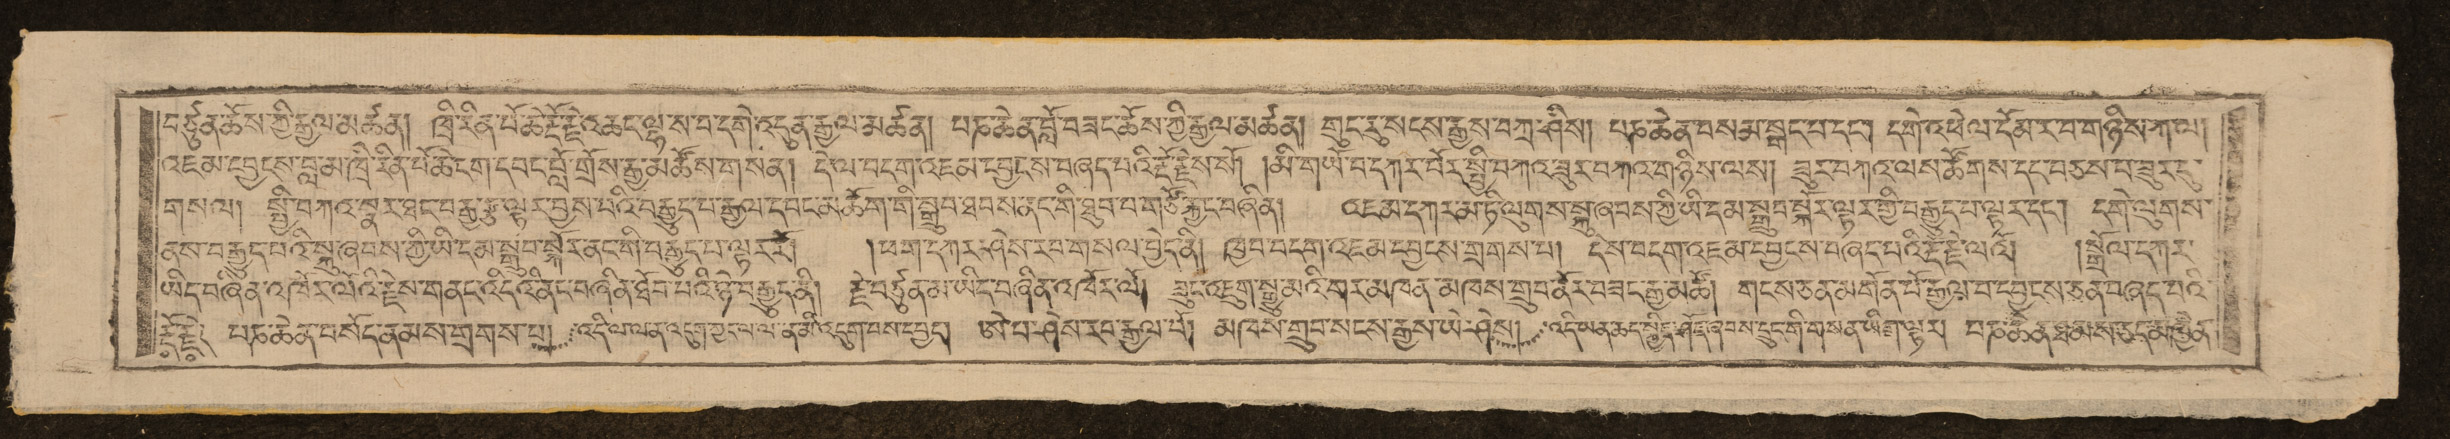བཙུན་ཆོས་ཀྱི་རྒྱལ་མཚན། ཁྲི་རིན་པོ་ཆེ་རྡོ་རྗེ་འཆང་ལྷ་ས་བདག་འདུན་རྒྱལ་མཚན། པཎ་ཆེན་བློ་བཟང་ཆོས་ཀྱི་རྒྱལ་མཚན། གུང་རུ་སངས་རྒྱས་བཀྲ་ཤིས། པཎ་ཆེན་བསམ་སྒང་པ་དང་། དགེ་འཕེལ་དོམ་ར་བ་གཉིས་ཀ་ལ།
འཇམ་དབྱངས་བླ་མ་ཁྲི་རིན་པོ་ཆེ་ངག་དབང་བློ་གྲོས་རྒྱ་མཚོས་གསན། དེ་ལ་བདག་འཇམ་དབྱངས་བཞད་པའི་རྡོ་རྗེས་སོ། །མི་གཡོ་བ་དཀར་པོར་སྦྱི་བཀའ་ཟུར་བཀའ་གཉིས་ལས། ཟུར་བཀའ་ལས་ཚོགས་དང་བཅས་པ་ཟུར་དུ་
གསལ། སྦྱི་བཀའ་སྣར་ཐང་བརྒྱ་རྩ་ལྟར་བྱས་པའི་བརྒྱུད་པ་རྒྱལ་དབང་མཆོག་གི་སྒྲུབ་ཐབས་ནང་གི་ཐུབ་པ་གཙོ་རྐྱང་བཞིན། འཇམ་དཀར་མ་ཏི་ལུགས་སྐུ་ཞབས་ཀྱི་ཡི་དམ་སྒྲུབ་སྐོར་ལྟར་གྱི་བརྒྱུད་པ་ལྟར་དང་། དགེ་ལུགས་
ནས་བརྒྱུད་པའི་སྐུ་ཞབས་ཀྱི་ཡི་དམ་སྒྲུབ་སྐོར་ནང་གི་བརྒྱུད་པ་ལྟར་རོ། །ཕག་དཀར་ཤེས་རབ་གསལ་བྱེད་ནི། ཁབ་བདག་འཇམ་དབྱངས་གྲགས་པ། དེས་བདག་འཇམ་དབྱངས་བཞད་པའི་རྡོ་རྗེ་ལ་འོ། །སྒྲོལ་དཀར་
ཡིད་བཞིན་འཁོར་ལོའི་རྗེས་གནང་འདིའི་ནང་བཞིན་ཐོབ་པའི་ཉེ་བརྒྱུད་ནི། རྗེ་བཙུན་མ་ཡིད་བཞིན་འཁོར་ལོ། གྲུབ་འཇུག་སྒྱུ་མའི་གར་མཁན་མཁས་གྲུབ་ནོར་བཟང་རྒྱ་མཚོ། གངས་ཅན་མགོན་པོ་རྒྱལ་བ་དབྱངས་ཅན་བཞད་པའི་
རྡོ་རྗེ༑ པཎ་ཆེན་བསོད་ནམས་གྲགས་པ། འདི་ལ་ལན་འདུག་ཀྱང་ལ་ལན་མི་འདུག་པས་དཔྱད། ཨེ་པ་ཤེས་རབ་རྒྱལ་པོ། མཁས་གྲུབ་སངས་རྒྱས་ཡེ་ཤེས། འདི་ཡན་ཆད་སྐྱི་བཤོད་ཞབས་དྲུང་གི་གསན་ཡིག་ལྟར། པཎ་ཆེན་ཐམས་ཅད་མཁྱེན་